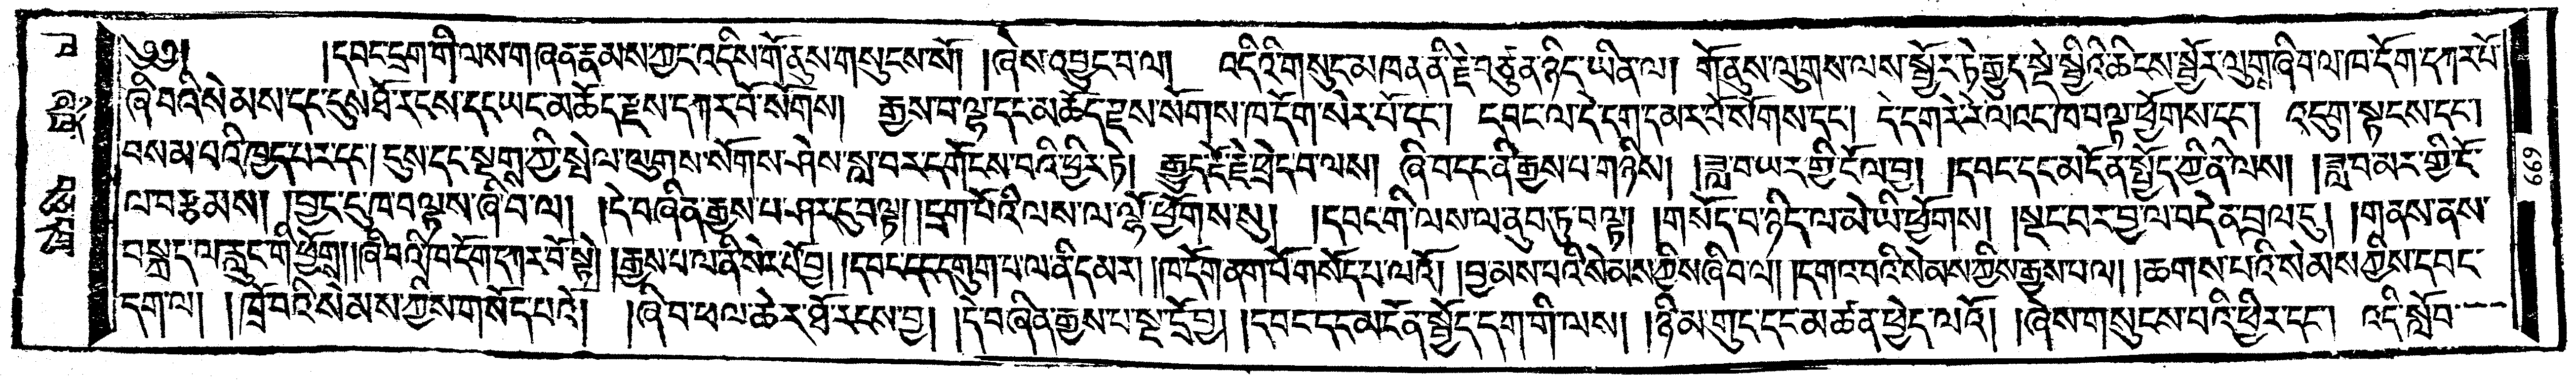༄༅། །དབང་དྲག་གི་ལས་གཞན་རྣམས་ཀྱང་འདིས་གོ་ནུས་གསུངས་སོ། །ཞེས་འབྱུང་བ་ལ། འདིའི་གསུང་མཁན་ནི་རྗེ་བཙུན་ཉིད་ཡིན་ལ། གོ་ནུས་ལུགས་ལས་སྦྱོར་ཏེ་རྒྱུད་སྡེ་སྤྱིའི་ཆིངས་སྦྱོར་ལུགས་ཞི་བ་ལ་ཁ་དོག་དཀར་པོ་
ཞི་བའི་སེམས་དང་དུས་ཐོ་རངས་དང་ཡང་མཆོད་རྫས་དཀར་པོ་སོགས། རྒྱས་པ་ལྷ་དང་མཆོད་རྫས་སོགས་ཁ་དོག་སེར་པོ་དང་། དབང་ལ་དེ་དག་དམར་པོ་སོགས་དང་། དེ་དག་རེ་རེ་ལའང་ཁ་བལྟ་ཕྱོགས་དང་། འདུག་སྟངས་དང་།
བསམ་པའི་ཁྱད་པར་དང་། དུས་དང་སྔགས་ཀྱི་སྤེལ་ལུགས་སོགས་ཤེས་སླ་བར་དགོངས་བའི་ཕྱིར་ཏེ། རྒྱུད་རྡོ་རྗེ་ཕྲེང་བ་ལས། ཞི་བ་དང་ནི་རྒྱས་པ་གཉིས། །ཟླ་བ་ཡར་གྱི་ངོ་ལ་བྱ། །དབང་དང་མངོན་སྤྱོད་ཀྱི་ནི་ལས། །ཟླ་བ་མར་གྱི་ངོ་
ལ་བརྩམས། །བྱང་དུ་ཁ་བལྟས་ཞི་བ་ལ། །དེ་བཞིན་རྒྱས་པ་ཤར་དུ་བལྟ། །དྲག་པོའི་ལས་ལ་ལྷོ་ཕྱོགས་སུ། །དབང་གི་ལས་ལ་ནུབ་ཏུ་བལྟ། །གསོད་པ་ཉིད་ལ་མེ་ཡི་ཕྱོགས། །སྡང་བར་བྱ་ལ་བདེན་བྲལ་དུ། །གནས་ནས་
བསྐྲད་ལ་རླུང་གི་ཕྱོགས། །ཞི་བའི་ཁ་དོག་དཀར་པོ་སྟེ། །རྒྱས་པ་ལ་ནི་སེར་པོ་བྱ། །དབང་དང་དགུག་པ་ལ་ནི་དམར། །ཁ་དོག་ནག་པོ་གསོད་པ་ལའོ། །བྱམས་པའི་སེམས་ཀྱིས་ཞི་བ་ལ། །དགའ་བའི་སེམས་ཀྱིས་རྒྱས་པ་ལ། །ཆགས་པའི་སེམས་ཀྱིས་དབང་
དག་ལ། །ཁྲོ་བའི་སེམས་ཀྱིས་གསོད་པའོ། །ཞི་བ་ཕལ་ཆེར་ཐོ་རངས་བྱ། །དེ་བཞིན་རྒྱས་པ་སྔ་དྲོ་བྱ། །དབང་དང་མངོན་སྤྱོད་དག་གི་ལས། །ཉི་མ་གུང་དང་མཚན་ཕྱེད་ལའོ། །ཞེས་གསུངས་པའི་ཕྱིར་དང་། འདི་སློབ་